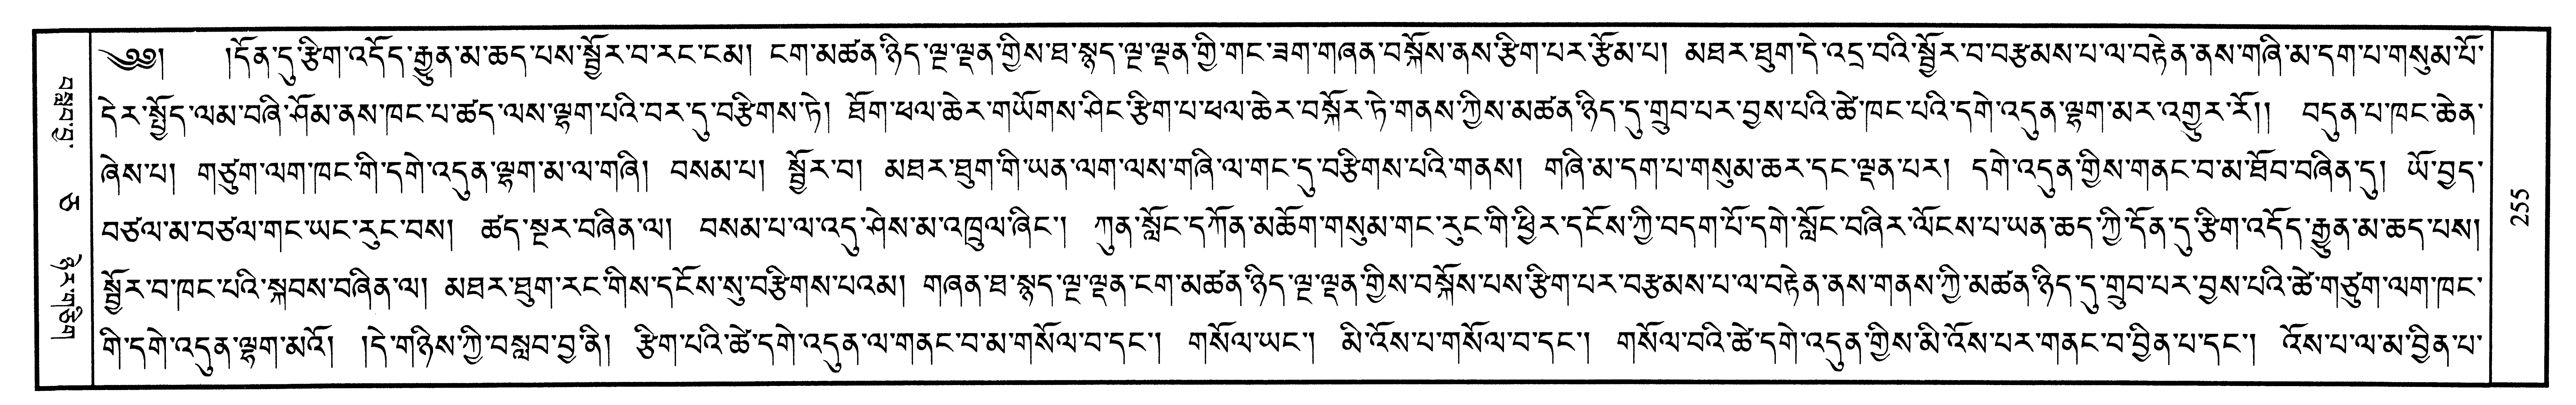༄༅། །དོན་དུ་རྩིག་འདོད་རྒྱུན་མ་ཆད་པས་སྦྱོར་བ་རང་ངམ། ངག་མཚན་ཉིད་ལྔ་ལྡན་གྱིས་ཐ་སྙད་ལྔ་ལྡན་གྱི་གང་ཟག་གཞན་བསྐོས་ནས་རྩིག་པར་རྩོམ་པ། མཐར་ཐུག་དེ་འདྲ་བའི་སྦྱོར་བ་བརྩམས་པ་ལ་བརྟེན་ནས་གཞི་མ་དག་པ་གསུམ་པོ་
དེར་སྤྱོད་ལམ་བཞི་ཤོམ་ནས་ཁང་པ་ཚད་ལས་ལྷག་པའི་བར་དུ་བརྩིགས་ཏེ། ཐོག་ཕལ་ཆེར་གཡོགས་ཤིང་རྩིག་པ་ཕལ་ཆེར་བསྐོར་ཏེ་གནས་ཀྱིས་མཚན་ཉིད་དུ་གྲུབ་པར་བྱས་པའི་ཚེ་ཁང་པའི་དགེ་འདུན་ལྷག་མར་འགྱུར་རོ།། བདུན་པ་ཁང་ཆེན་
ཞེས་པ། གཙུག་ལག་ཁང་གི་དགེ་འདུན་ལྷག་མ་ལ་གཞི། བསམ་པ། སྦྱོར་བ། མཐར་ཐུག་གི་ཡན་ལག་ལས་གཞི་ལ་གང་དུ་བརྩིགས་པའི་གནས། གཞི་མ་དག་པ་གསུམ་ཆར་དང་ལྡན་པར། དགེ་འདུན་གྱིས་གནང་བ་མ་ཐོབ་བཞིན་དུ། ཡོ་བྱད་
བཙལ་མ་བཙལ་གང་ཡང་རུང་བས། ཚད་སྔར་བཞིན་ལ། བསམ་པ་ལ་འདུ་ཤེས་མ་འཁྲུལ་ཞིང་། ཀུན་སློང་དཀོན་མཆོག་གསུམ་གང་རུང་གི་ཕྱིར་དངོས་ཀྱི་བདག་པོ་དགེ་སློང་བཞིར་ལོངས་པ་ཡན་ཆད་ཀྱི་དོན་དུ་རྩིག་འདོད་རྒྱུན་མ་ཆད་པས།
སྦྱོར་བ་ཁང་པའི་སྐབས་བཞིན་ལ། མཐར་ཐུག་རང་གིས་དངོས་སུ་བརྩིགས་པའམ། གཞན་ཐ་སྙད་ལྔ་ལྡན་ངག་མཚན་ཉིད་ལྔ་ལྡན་གྱིས་བསྐོས་པས་རྩིག་པར་བརྩམས་པ་ལ་བརྟེན་ནས་གནས་ཀྱི་མཚན་ཉིད་དུ་གྲུབ་པར་བྱས་པའི་ཚེ་གཙུག་ལག་ཁང་
གི་དགེ་འདུན་ལྷག་མའོ། །དེ་གཉིས་ཀྱི་བསླབ་བྱ་ནི། རྩིག་པའི་ཚེ་དགེ་འདུན་ལ་གནང་བ་མ་གསོལ་བ་དང་། གསོལ་ཡང་། མི་འོས་པ་གསོལ་བ་དང་། གསོལ་བའི་ཚེ་དགེ་འདུན་གྱིས་མི་འོས་པར་གནང་བ་བྱིན་པ་དང་། འོས་པ་ལ་མ་བྱིན་པ་